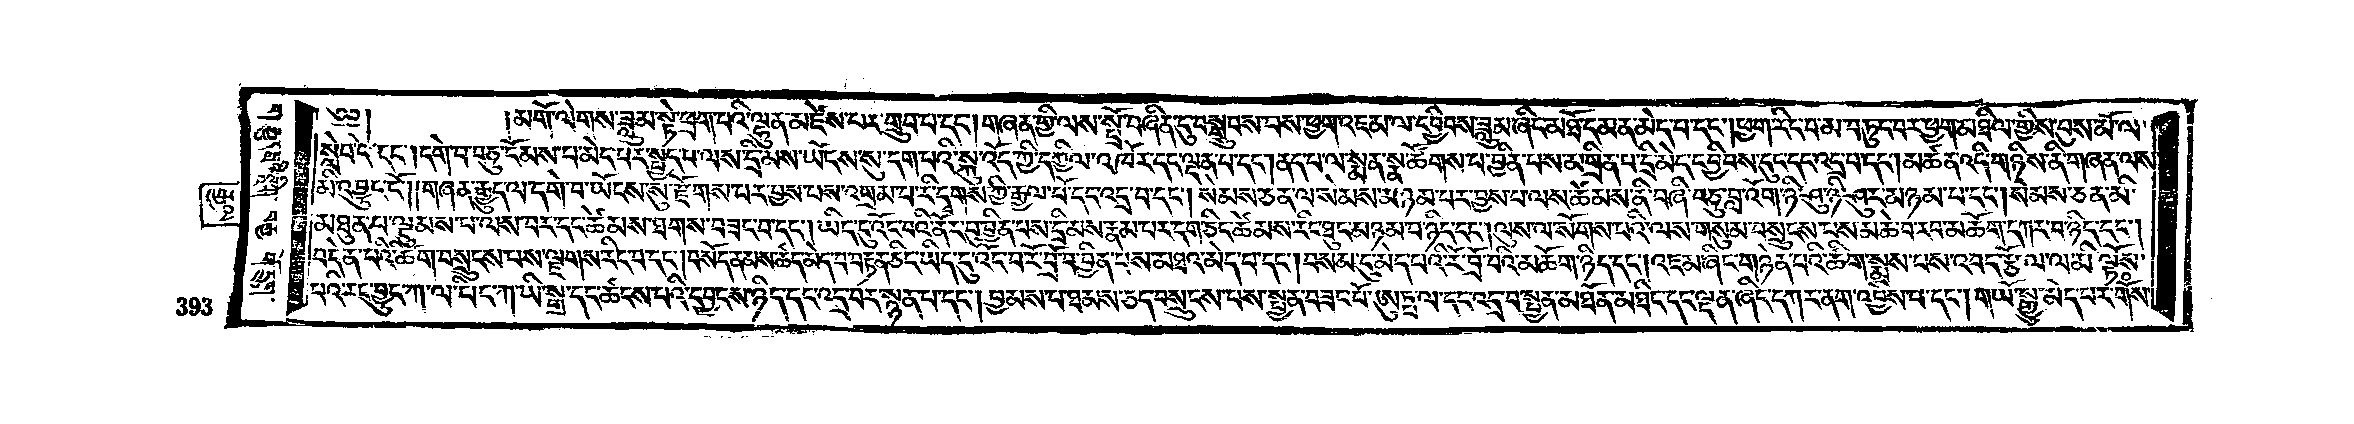༄༅། །མགོ་ལེགས་ཟླུམ་སྟེ་ཕྲག་པའི་ལྷུན་མཛེས་པར་གྲུབ་པ་དང་། གཞན་གྱི་ལས་སྤྲོ་བཞིན་དུ་བསྒྲུབས་པས་ཕྱག་འཇམ་ལ་དབྱིབས་ཟླུམ་ཞིང་མཐོ་དམན་མེད་པ་དང་། ཕྱག་རིང་བ་མ་བཏུང་བར་ཕྱག་མཐིལ་གྱིས་པུས་མོ་ལ་
སླེབ་དེ་དང་། དགེ་བཅུ་ངོམས་པ་མེད་པར་སྤྱད་པ་ལས་དྲི་མས་ཡོངས་སུ་དག་པའི་སྐུ་འོད་ཀྱི་དཀྱིལ་འཁོར་དང་ལྡན་པ་དང་། ནད་པ་ལ་སྨན་སྣ་ཚོགས་པ་བྱིན་པས་མགྲིན་པ་དྲི་མེད་དབྱིབས་དུང་དང་འདྲ་བ་དང་། མཚན་འདི་གཉིས་ནི་གཞན་ལས་
མི་འབྱུང་ངོ། །གཞན་རྒྱུད་ལ་དགེ་བ་ཡོངས་སུ་རྫོགས་པར་བྱས་པས་འགྲམ་པ་རི་དྭགས་ཀྱི་རྒྱལ་པོ་དང་འདྲ་བ་དང་། སེམས་ཅན་ལ་སེམས་མཉམ་པར་བྱས་པ་ལས་ཚེམས་ནི་བཞི་བཅུ་བླ་འོག་ཉི་ཤུ་ཉི་ཤུར་མཉམ་པ་དང་། སེམས་ཅན་མི་
མཐུན་པ་ལྡུམས་པ་ལས་བར་དང་ཚེམས་ཐགས་བཟང་བ་དང་། ཡིད་དུ་འོང་བའི་ནོར་བུ་བྱིན་པས་དྲི་མས་རྣམ་པར་དག་ཅིང་ཚེམས་རིང་ཐུང་མཉམ་པ་ཉིད་དང་། ལུས་ལ་སོགས་པའི་ལས་གསུམ་བསྲུངས་པས་མཆེ་བ་རབ་མཆོག་དཀར་བ་ཉིད་དང་།
བདེན་པའི་ཚིག་བསྲུངས་པས་ལྗགས་རིང་བ་དང་། བསོད་ནམས་ཚད་མེད་པ་བརྟན་ཅིང་ཡིད་དུ་འོང་བ་རོ་བྲོ་བ་བྱིན་པས་མཐའ་མེད་པ་དང་། བསམ་དུ་མེད་པའི་རོ་བྲོ་བའི་མཆོག་ཉིད་དང་། འཇམ་ཞིང་གཉེན་པའི་ཚིག་སྨྲས་པས་འབད་རྩོལ་ལ་མི་ལྟོས་
པའི་རང་བྱུང་ཀ་ལ་པིང་ཀ་ཡི་སྒྲ་དང་ཚངས་པའི་དབྱངས་ཉིད་དང་འདྲ་བར་སྙན་པ་དང་། བྱམས་པ་ཐམས་ཅད་བསྲུངས་པས་སྤྱན་བཟང་པོ་ཨུཏྤ་ལ་དང་འདྲ་བ་སྤྱན་མཐོན་མཐིང་དང་ལྡན་ཞིང་དཀར་ནག་འབྱེས་པ་དང་། གཡོ་སྒྱུ་མེད་པར་གོམས་